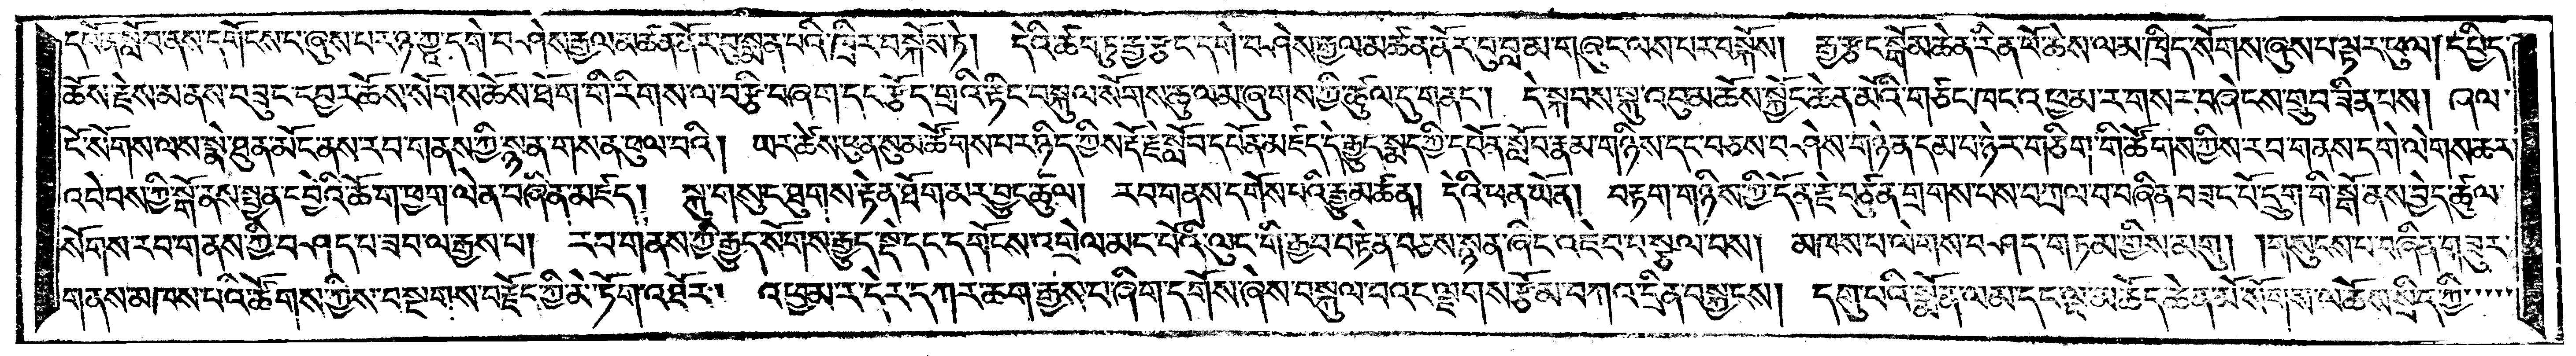དཔོན་སློབ་ནས་དགོངས་པ་ཞུས་པར་ཉ་ཀྱཱ་དགེ་བཤེས་རྒྱལ་མཚན་ནོར་བུ་སྨན་པའི་ཁྲིར་བསྐོས་ཏེ། དེའི་ཚབ་ཏུ་རྒྱ་རྩང་དགེ་བཤེས་རྒྱལ་མཚན་ནོར་བུ་བླ་མ་གཞུང་ལས་པར་བསྐོས། རྒྱ་རྩང་སྒོམ་ཆེན་རིན་པོ་ཆེས་ལམ་ཁྲིད་སོགས་ཞུས་པ་ལྟར་ཕུལ། དཔྱིད་
ཆོས་རྗེས་མ་ནས་བཟུང་དབྱར་ཆོས་སོགས་ཆོས་ཐོག་གི་རིགས་ལ་བརྩི་བཞག་དང་རྩོད་གྲའི་རྟིང་བསྐུལ་སོགས་ཆུ་ལམ་ཞུགས་ཀྱི་ཚུལ་དུ་གནང་། དེ་སྐབས་སྐུ་འབུམ་ཆོས་སྐྱོང་ཆེན་མོའི་གཙང་ཁང་འཕྱམ་ར་གསར་བཞེངས་གྲུབ་ཟིན་པས། ཞལ་
ངོ་སོགས་ལས་སྣེ་ཐུན་མོང་ནས་རབ་གནས་ཀྱི་སྙན་གསན་ཕུལ་བའི། ཡར་ཚེས་ཕུན་སུམ་ཚོགས་བར་ཉིད་ཀྱིས་རྡོ་རྗེ་སློབ་དཔོན་མཛད་དེ་རྒྱུད་སྨད་ཀྱི་དཔོན་སློབ་རྣམ་གཉིས་དང་བཅས་བཤེས་གཉེན་དམ་པ་ཉེར་གཅིག་གི་ཚོགས་ཀྱིས་རབ་གནས་དགེ་ལེགས་ཆར་
འབེབས་ཀྱི་སྒོ་ནས་སྤྱན་དབྱེའི་ཆོ་ག་ཕྱག་ལེན་བཞིན་མཛད། སྐུ་གསུང་ཐུགས་རྟེན་ཐོག་མང་བྱུང་ཚུལ། རབ་གནས་དགོས་བའི་རྒྱུ་མཚན། དེའི་ཕན་ཡོན། བརྟག་གཉིས་ཀྱི་དོན་རྗེ་བཙུན་གྲགས་པས་བཀྲལ་བ་བཞིན་བཟང་པོ་དྲུག་གི་སྒོ་ནས་བྱེད་ཚུལ་
སོགས་རབ་གནས་ཀྱི་བཤད་པ་ཟབ་ལ་རྒྱས་པ། རབ་གནས་ཀྱི་རྒྱུད་སོགས་རྒྱུད་སྡ་དང་དགོངས་འགྲེལ་མང་པོའི་ལུང་གི་རྒྱབ་བརྟེན་བཅས་སྙན་ཞིང་འཇེབ་བ་སྩལ་བས། མཁས་པ་ལེགས་བཤད་གཏམ་གྱིས་མགུ། །གསུངས་པ་བཞིན་གཟུར་
གནས་མཁས་པའི་ཚོགས་ཀྱིས་བསྔགས་བརྗོད་ཀྱི་མེ་ཏོག་འཐོར། འཕྱམ་ར་དེར་དཀར་ཆག་རྒྱས་པ་ཞིག་དགོས་ཞེས་བསྐུལ་པའང་ལྗགས་རྩོམ་བཀའ་དྲིན་བསྐྱངས། དགུ་པའི་སྨོན་ལམ་དང་ལྔ་མཆོད་ཆེན་མོ་སོགས་ལ་ཆོས་སྲིད་ཀྱི་